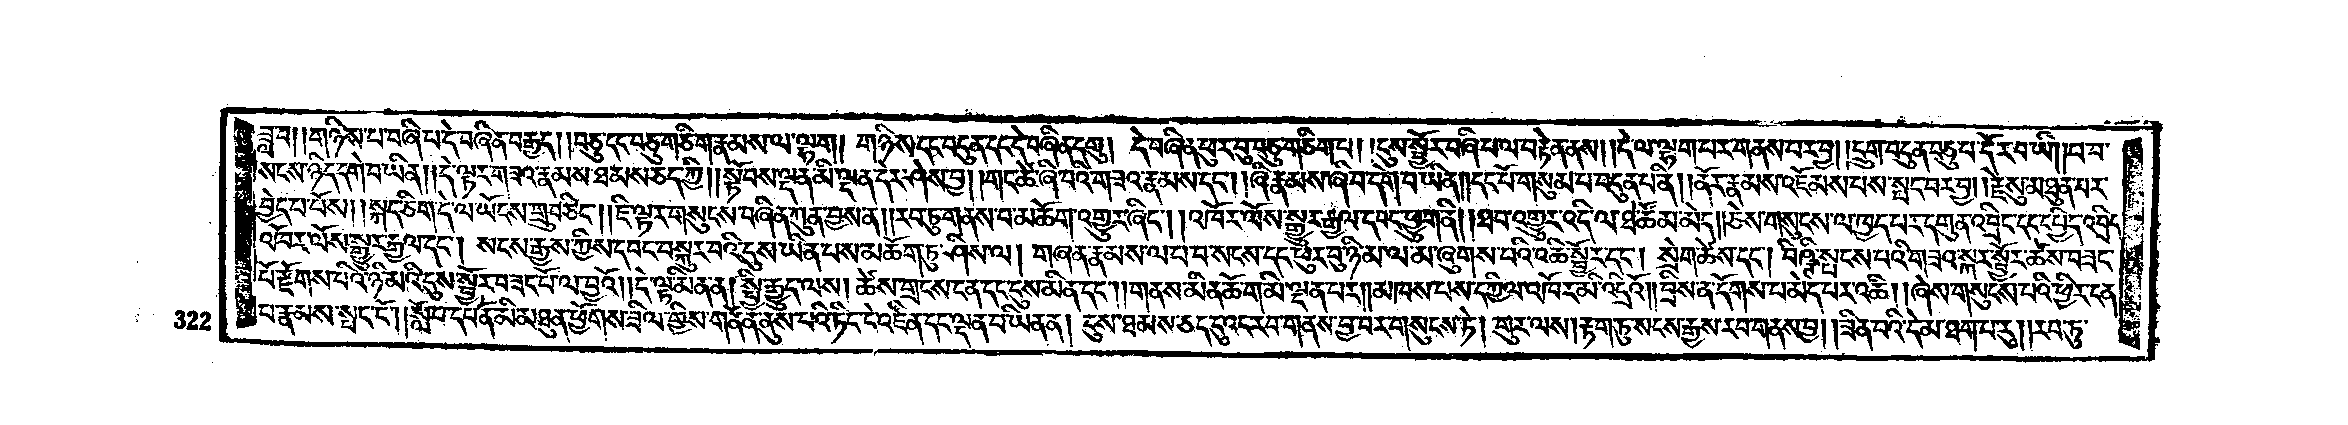ཟླ་བ། །གཉིས་པ་བཞི་པ་དེ་བཞིན་བརྒྱད། །བཅུ་དང་བཅུ་གཅིག་རྣམས་ལ་ལྷག། གཉིས་དང་བདུན་དང་དེ་བཞིན་དགུ །དེ་བཞིན་ཕུར་བུ་བཅུ་གཅིག་པ། །དུས་སྦྱོར་བཞི་པ་ལ་བརྟེན་ནས། །དེ་ལ་ལྷག་པར་གནས་པར་བྱ། །དྲུག་བདུན་བཅུ་པ་དོར་བ་ཡི། །པ་བ་
སངས་ཉིད་དགེ་བ་ཡིན། །དེ་ལྟར་གཟའ་རྣམས་ཐམས་ཅད་ཀྱི། །སྟོབས་ལྡན་མི་ལྡན་དེར་ཤེས་བྱ། །གང་ཚེ་ཞི་བའི་གཟའ་རྣམས་དང་། །ཞི་རྣམས་ཞི་བ་དགེ་བ་ཡིན། །དང་པོ་གསུམ་པ་བདུན་པ་ནི། །ནོར་རྣམས་འཇོམས་པས་སྤང་བར་བྱ། །རྗེ་སུ་མཐུན་པར་
བྱེད་པ་པོས། །སྐད་ཅིག་དེ་ལ་ཡོངས་གྲུབ་ཅིང་། །ཇི་ལྟར་གསུངས་བཞིན་ཀུན་བྱས་ན། །རབ་ཏུ་གནས་པ་མཆོག་འགྱུར་ཞིང་། །འཁོར་ལོས་སྒྱུར་རྒྱལ་དབང་ཕྱུག་ནི། །ཐབ་འགྱུར་འདི་ལ་ཐེ་ཚོམ་མེད། །ཅེས་གསུངས་ལ་ཁྱད་པར་དགུན་འབྲིང་དང་དཔྱིད་འབྲིང་
འཁོར་ལོས་སྒྱུར་རྒྱལ་དང་། སངས་རྒྱས་ཀྱིས་དབང་བསྐུར་བའི་དུས་ཡིན་པས་མཆོག་ཏུ་ཤིས་ལ། གཞན་རྣམས་ལ་པ་བ་སངས་དང་ཕུར་བུ་ཉི་མ་ལ་མ་ཞུགས་པའི་འཆི་སྦྱོར་དང་། སྲེག་ཚེས་དང་། བིཥྚི་སྤངས་པའི་གཟའ་སྐར་སྦྱོར་ཚེས་བཟང་
པོ་རྫོགས་པའི་ཉི་མའི་དུས་སྦྱོར་བཟང་པོ་ལ་བྱའོ། །དེ་ལྟ་མིན་ན། སྤྱི་རྒྱུད་ལས། ཚེས་གྲངས་ངན་དང་དུས་མིན་དང་། །གནས་མིན་ཆོ་ག་མི་ལྡན་པར། །མཁས་པས་དཀྱིལ་འཁོར་མི་འདྲིའོ། །བྲིས་ན་དོགས་པ་མེད་པར་འཆི། །ཞེས་གསུངས་པའི་ཕྱིར་ངན་
པ་རྣམས་སྤང་ངོ། །སློབ་དཔོན་མི་མཐུན་ཕྱོགས་ཟིལ་གྱིས་གནོན་ནུས་པའི་ཏིང་ངེ་འཛིན་དང་ལྡན་པ་ཡིན་ན། དུས་ཐམས་ཅད་དུའང་རབ་གནས་བྱ་བར་གསུངས་ཏེ། གུར་ལས། རྟག་ཏུ་སངས་རྒྱས་རབ་གནས་བྱ། །ཟིན་པའི་དེ་མ་ཐག་པ་རུ། །རབ་ཏུ་